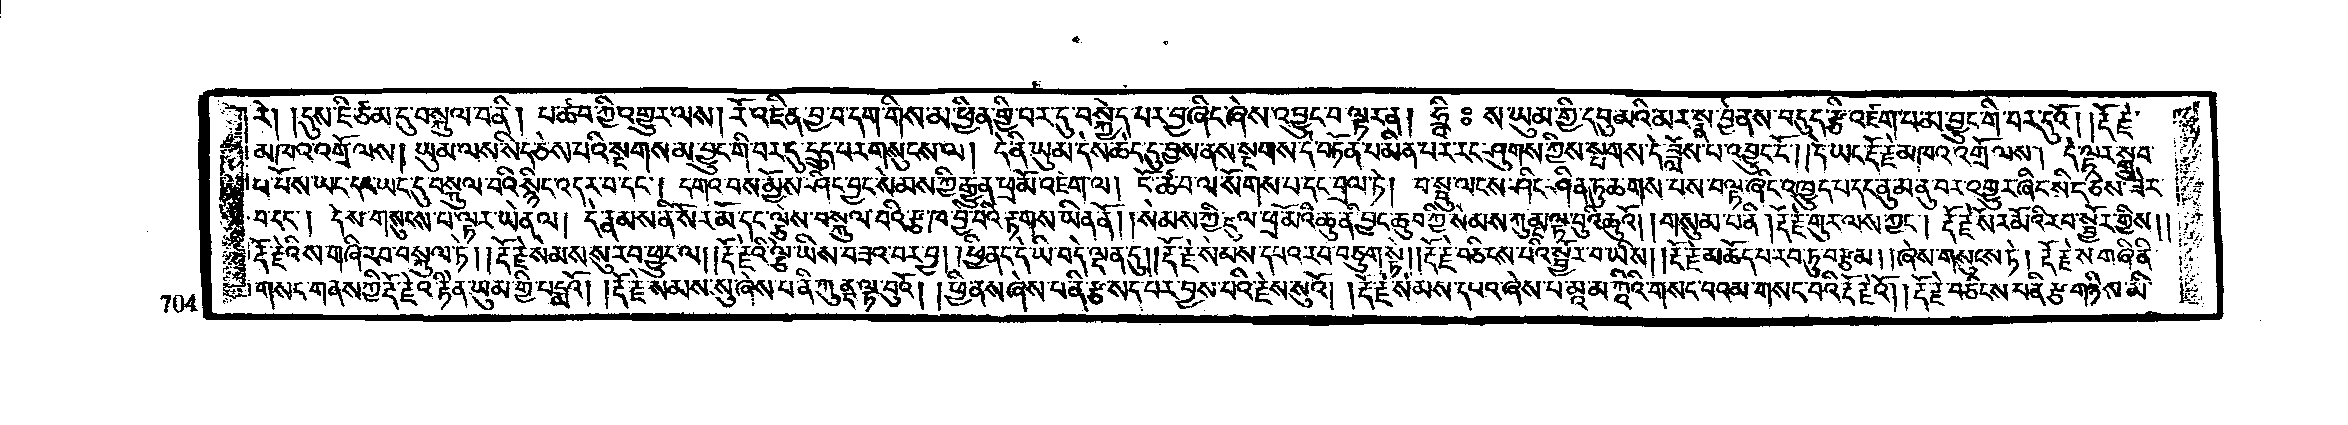རོ། །དུས་ཇི་ཙམ་དུ་བསྐུལ་བ་ནི། པ་ཚབ་ཀྱི་འགྱུར་ལས། རོ་འཛིན་བྱ་བདག་གིས་མ་ཕྱིན་གྱི་བར་དུ་བསྐྱེད་པར་བྱ་ཞིང་ཞེས་འབྱུང་བ་ལྟར་ན། ཧྲཱིཿ ས་ཡུམ་གྱི་དབུ་མའི་མར་སྣ་བྱེ་ནས་བདུད་རྩི་འཛག་པ་མ་བྱུང་གི་བར་དུའོ། །རྡོ་རྗེ་
མཁའ་འགྲོ་ལས། ཡུམ་ལས་སིད་ཅེས་པའི་སྔགས་མ་བྱུང་གི་བར་དུ་དྲུད་པར་གསུངས་ལ། དེ་ནི་ཡུམ་དེས་ཆེད་དུ་བྱས་ནས་སྔགས་དེ་བཏོན་པ་མིན་པར་རང་ཤུགས་ཀྱིས་སྔགས་དེ་ཟློས་པ་འབྱུང་ངོ། །དེ་ཡང་རྡོ་རྗེ་མཁའ་འགྲོ་ལས། དེ་ལྟར་སྒྲུབ་
པ་པོས་ཡང་དང་ཡང་དུ་བསྐུལ་བའི་སྙིང་འདར་བ་དང་། དགའ་བས་སྨྱོས་ཤིང་བྱང་སེམས་ཀྱི་རྒྱུན་ཕྲ་མོ་འཛག་ལ། ངོ་ཚ་བ་ལ་སོགས་པ་དང་བྲལ་ཏེ། བ་སྤུ་ལངས་ཤིང་ཤིན་ཏུ་ཆགས་པས་བལྟ་ཞིང་འཁྱུད་པ་དང་ནུ་མ་ནུ་བར་འགྱུར་ཞིང་སིད་ཅེས་ཟེར་
བ་དང་། དེས་གསུངས་པ་ལྟར་ཡིན་ལ། དེ་རྣམས་ནི་སོར་མོ་དང་ལྕེས་བསྐུལ་བའི་རྩ་ཁ་བྱེ་བའི་རྟགས་ཡིན་ནོ། །སེམས་ཀྱི་རྡུལ་ཕྲ་མོའི་ཆུ་ནི་བྱང་ཆུབ་ཀྱི་སེམས་ཀུནྡ་ལྟ་བུའི་ཆུའོ། །གསུམ་པ་ནི། རྡོ་རྗེ་གུར་ལས་ཀྱང་། རྡོ་རྗེ་སོར་མོའི་རབ་སྦྱོར་གྱིས།
རྡོ་རྗེའི་ས་གཞི་རབ་བསྐུལ་ཏེ། །རྡོ་རྗེ་སེམས་སུ་རབ་ཕྱུང་ལ། །རྡོ་རྗེའི་ལྕེ་ཡིས་བཟའ་བར་བྱ། །ཕྱི་ནང་དེ་ཡི་བདེ་ལྡན་དུ། །རྡོ་རྗེ་སེམས་དཔའ་རབ་བཅུག་སྟེ། །རྡོ་རྗེ་བཅིངས་པའི་སྦྱོར་བ་ཡིས། །རྡོ་རྗེ་མཆོད་པ་རབ་ཏུ་བརྩམ། །ཞེས་གསུངས་ཏེ། རྡོ་རྗེ་ས་གཞི་ནི་
གསང་གནས་ཀྱི་རྡོ་རྗེའི་རྟེན་ཡུམ་གྱི་པདམའོ། །རྡོ་རྗེ་སེམས་སུ་ཞེས་པ་ནི་ཀུན་ད་ལྟ་བུའོ། །ཕྱི་ནས་ཞེས་པ་ནི་རྩ་སད་པར་བྱས་པའི་རྗེས་སུའོ། །རྡོ་རྗེ་སེམས་དཔའ་ཞེས་པ་མཱ་མཀཱིའི་གསང་པའམ་གསང་བའི་རྡོ་རླེའོ། །རྡོ་རྗེ་བཅིངས་པ་ནི་རྩ་གཉིས་མ་